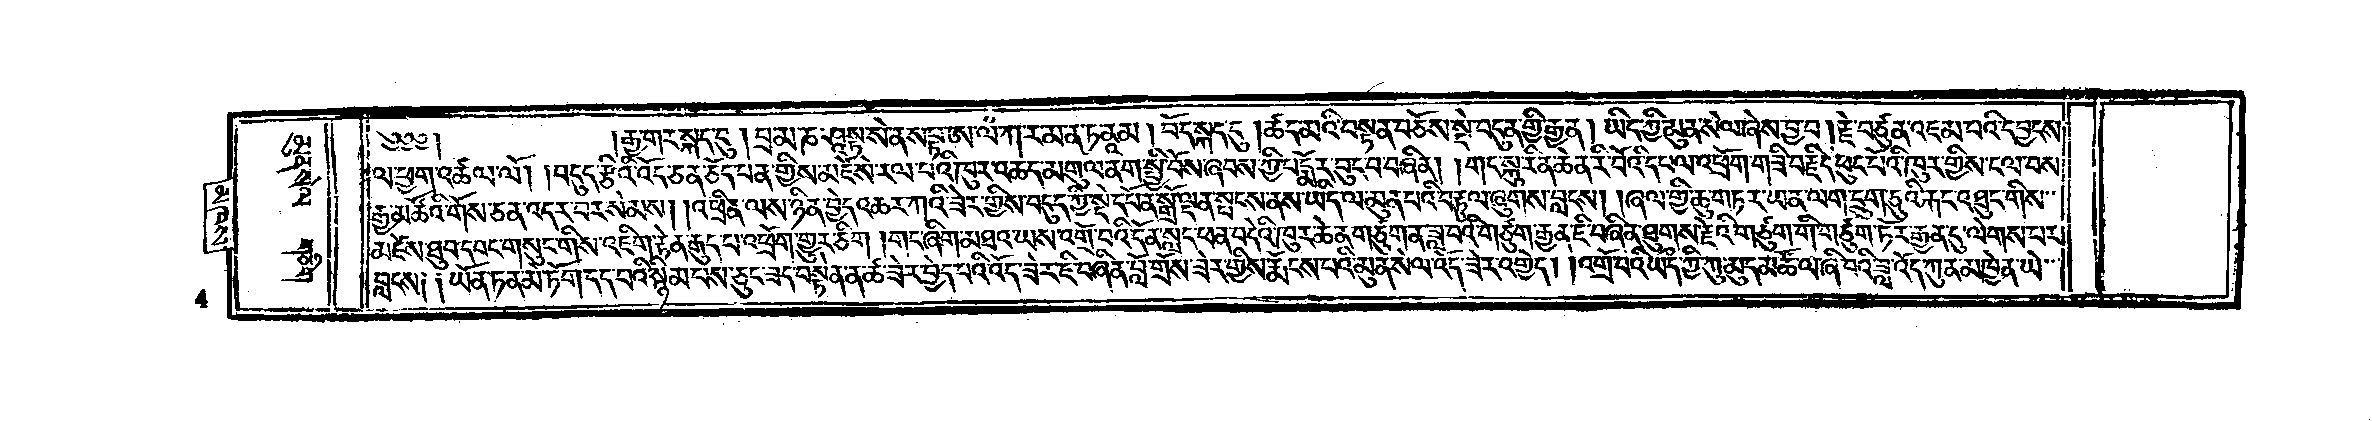༄༅༅། །རྒྱ་གར་སྐད་དུ། པྲ་མ་ཎ་ཤཱསྟ་སེན་སཔྟ་ཨ་ལཾ་ཀ་ར་མ་ན་ཏ་ནཱམ། བོད་སྐད་དུ། ཚད་མའི་བསྟན་བཅོས་སྡེ་བདུན་གྱི་རྒྱན། ཡིད་ཀྱི་མུན་སེལ་ཞེས་བྱ་བ། རྗེ་བཙུན་འཇམ་པའི་དབྱངས་
ལ་ཕྱག་འཚལ་ལོ། །བདུད་རྩིའི་འོད་ཅན་ཅོད་པན་གྱིས་མཛེ་སེ་རལ་པའི་ཁུར་འཆད་མགུལ་ནག་སྤྱི་བོས་ཞབས་ཀྱི་པདམོར་བུང་བ་བཞིན། །གང་སྐུ་རིན་ཆེན་རི་བོའི་དཔལ་འཕྲོག་གཟི་བརྗིད་ཕུང་པོའི་ཁུར་གྱིས་ངལ་བས་
རྒྱ་མཚོའི་གོས་ཅན་འདར་བར་སེམས། །འཕྲིན་ལས་ཉིན་བྱེད་འཆར་ཀའི་ཟེར་གྱིས་བདུད་ཀྱི་སྡེ་དཔོན་སྒྲོ་ལྡན་སྤངས་ནས་ཡིད་ལ་མུན་པའི་བརྟུལ་ཞུགས་བླངས། །ཞལ་གྱི་ཆུ་གཏེར་ཡན་ལག་དྲུག་ཅུའི་རྐང་འཐུང་གིས་
མཛེས་ཐུབ་དབང་གསུང་གིས་འཇིག་རྟེན་རྒུད་པ་འཕྲོག་གྱུར་ཅིག །གང་ཞིག་མཐའ་ཡས་འགྲོ་བའི་དོན་སླད་?་ཕན་བདེའི་ཁུར་ཆེན་གཙུག་ན་ཟླ་བའི་གཙུག་རྒྱན་ཇི་བཞིན་ཐུགས་རྗེའི་གཙུག་གི་གཙུག་ཏོར་རྒྱན་དུ་ལེགས་པར་
བླངས༑ ༑ཡོན་ཏན་མེ་ཏོག་དད་པའི་སྙིམ་པས་ཅུང་ཟད་བསྟེན་ན་ཚ་ཟེར་བྱེད་པའི་འོད་ཟེར་ཇི་བཞིན་བློ་གྲོས་ཟེར་གྱིས་རྨོངས་པའི་མུན་སེལ་འོད་ཟེར་འགྱེད། །འགྲོ་བའི་ཡིད་ཀྱི་ཀུ་མུད་མཚོ་ལ་ཞི་བའི་ཟླ་འོད་ཀུན་མཁྱེན་ཡེ་